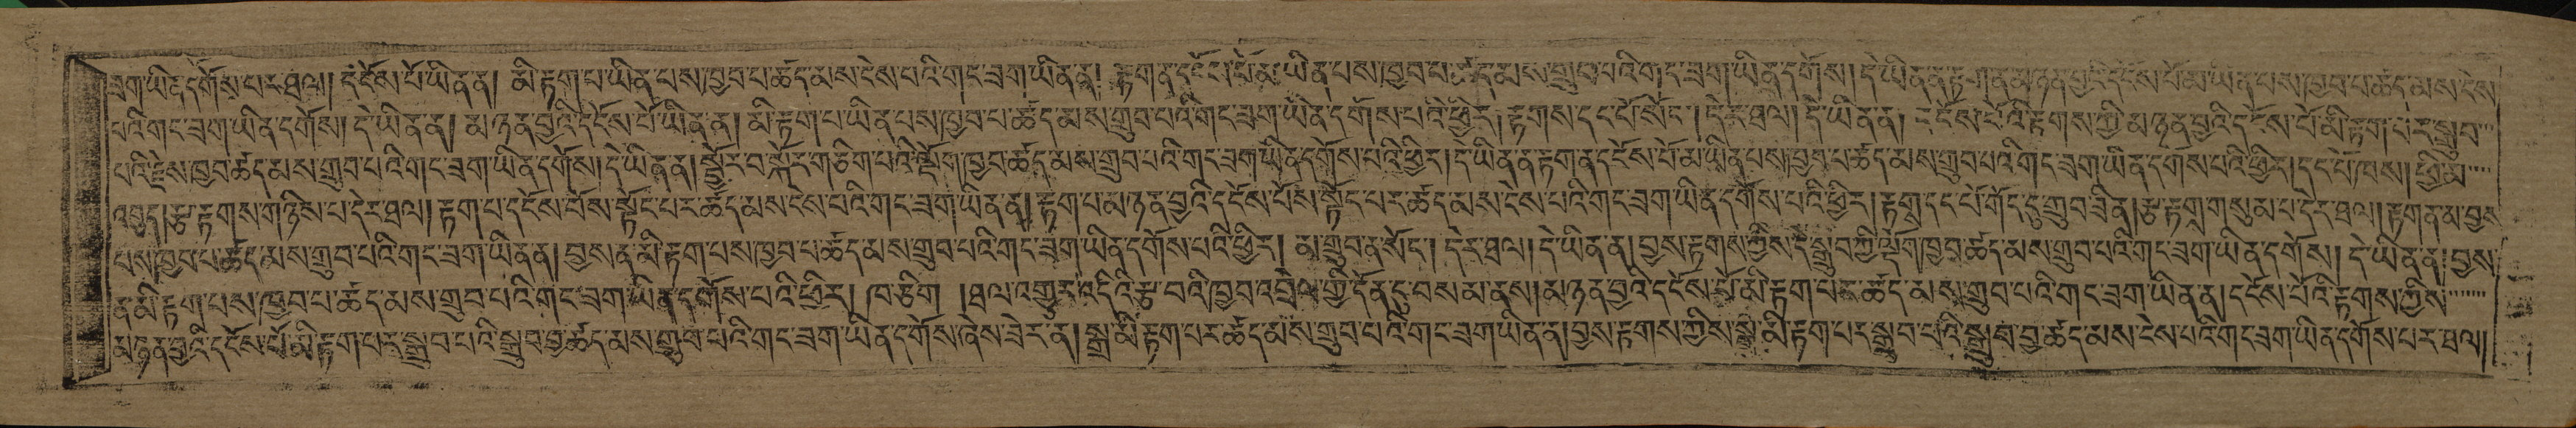ཟག་ཡིན་དགོས་པར་ཐལ། དངོས་པོ་ཡིན་ན། མི་རྟག་པ་ཡིན་པས་ཁྱབ་པ་ཚད་མས་ངེས་པའི་གང་ཟག་ཡིན་ན། རྟག་ན་དངོས་པོ་མ་ཡིན་པས་ཁྱབ་པ་ཚད་མས་གྲུབ་པའི་གང་ཟག་ཡིན་དགོས། དེ་ཡིན་ན་རྟག་ན་མཉན་བྱའི་དངོས་པོ་མ་ཡིན་པས་ཁྱབ་པ་ཚད་མས་ངེས་
པའི་གང་ཟག་ཡིན་དགོས། དེ་ཡིན་ན། མཉན་བྱའི་དངོས་པོ་ཡིན་ན། མི་རྟག་པ་ཡིན་པས་ཁྱབ་པ་ཚད་མས་གྲུབ་པའི་གང་ཟག་ཡིན་དགོས་པའི་ཕྱིར། རྟགས་དང་པོ་སོང་། དེར་ཐལ། དེ་ཡིན་ན། དངོས་པོའི་རྟགས་ཀྱི་མཉན་བྱའི་དངོས་པོ་མི་རྟག་པར་སྒྲུབ་
པའི་རྗེས་ཁྱབ་ཚད་མས་གྲུབ་པའི་གང་ཟག་ཡིན་དགོས། དེ་ཡིན་ན། སྦྱོར་བ་སྐོར་གཅིག་པའི་ལྡོག་ཁྱབ་ཚད་མས་གྲུབ་པའི་གང་ཟག་ཡིན་དགོས་པའི་ཕྱིར། དེ་ཡིན་ན་རྟག་ན་དངོས་པོ་མ་ཡིན་པས་ཁྱབ་པ་ཚད་མས་གྲུབ་པའི་གང་ཟག་ཡིན་དགོས་པའི་ཕྱིར། དང་པོ་ཁས། ཕྱི་མ་
འབུད། རྩ་རྟགས་གཉིས་པ་དེར་ཐལ། རྟག་པ་དངོས་པོས་སྟོང་པར་ཚད་མས་ངེས་པའི་གང་ཟག་ཡིན་ན། རྟག་པ་མཉན་བྱའི་དངོས་པོས་སྟོང་པར་ཚད་མས་ངེས་པའི་གང་ཟག་ཡིན་དགོས་པའི་ཕྱིར། རྟགས་དང་པོ་གོང་དུ་གྲུབ་ཟིན། རྩ་རྟགས་གསུམ་པ་དེར་ཐལ། རྟག་ན་མ་བྱས་
པས་ཁྱབ་པ་ཚད་མས་གྲུབ་པའི་གང་ཟག་ཡིན་ན། བྱས་ན་མི་རྟག་པས་ཁྱབ་པ་ཚད་མས་གྲུབ་པའི་གང་ཟག་ཡིན་དགོས་པའི་ཕྱིར། མ་གྲུབ་ན་སོང་། དེར་ཐལ། དེ་ཡིན་ན། བྱས་རྟགས་ཀྱིས་དེ་སྒྲུབ་ཀྱི་ལྡོག་ཁྱབ་ཚད་མས་གྲུབ་པའི་གང་ཟག་ཡིན་དགོས། དེ་ཡིན་ན། བྱས་
ན་མི་རྟག་པས་ཁྱབ་པ་ཚད་མས་གྲུབ་པའི་གང་ཟག་ཡིན་དགོས་པའི་ཕྱིར། ཁ་ཅིག །ཐལ་འགྱུར་འདིའི་རྩ་བའི་ཁྱབ་འབྲེརལ་གྱི་དོན་དུ་བསམ་ནས། མཉན་བྱའི་དངོས་པོ་མི་རྟག་པར་ཚད་མས་གྲུབ་པའི་གང་ཟག་ཡིན་ན། དངོས་པོའི་རྟགས་ཀྱིས་
མཉན་བྱའི་དངོས་པོ་མི་རྟག་པར་སྒྲུབ་པའི་སྒྲུབ་བྱ་ཚད་མས་གྲུབ་པའི་གང་ཟག་ཡིན་དགོས་ཞེས་ཟེར་ན། སྒྲ་མི་རྟག་པར་ཚད་མས་གྲུབ་པའི་གང་ཟག་ཡིན་ན། བྱས་རྟགས་ཀྱིས་སྒྲ་མི་རྟག་པར་སྒྲུབ་པའི་སྒྲུབ་བྱ་ཚད་མས་ངེས་པའི་གང་ཟག་ཡིན་དགོས་པར་ཐལ།